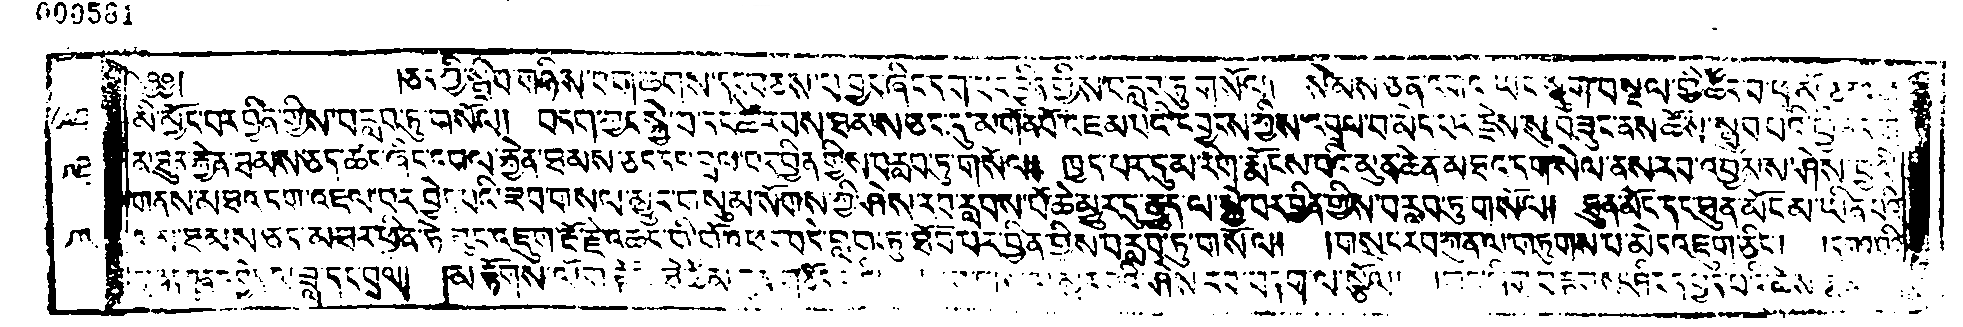༄༅། །ཅད་ཀྱི་སྒྲིབ་གཉིས་བག་ཆགས་དང་བཅས་པ་བྱང་ཞིང་དག་པར་བྱིན་གྱིས་བརླབ་ཏུ་གསོལ། སེམས་ཅན་འགའ་ཡང་སྡུག་བསྔལ་གྱི་ཚོར་བ་ཕྲ་མོ་ཅན་ཡང་
མི་མྱོང་བར་བྱིན་གྱིས་བརླབ་ཏུ་གསོལ། བདག་ཀྱང་སྐྱེ་བ་དང་ཚེ་རབས་ཐམས་ཅད་དུ་མགོན་པོ་འཇམ་པའི་དབྱངས་ཀྱིས་འབྲལ་བ་མེད་པར་རྗེས་སུ་བཟུང་ནས་ཆོས་སྒྲུབ་པའི་ཕྱི་ནང་གི་
མཐུན་རྐྱེན་ཐམས་ཅད་ཚང་ཞིང་འགལ་རྐྱེན་ཐམས་ཅད་དང་བྲལ་བར་བྱིན་གྱིས་བརླབ་ཏུ་གསོལ། ཁྱད་པར་དུ་མ་རིག་རྨོངས་པའི་མུན་ཆེན་མཐའ་དག་སེལ་ནས་རབ་འབྱམས་ཤེས་བྱའི་
གནས་མཐའ་དག་འཇལ་བར་བྱེད་པའི་ཟབ་གསལ་མྱུར་གསུམ་སོགས་ཀྱི་ཤེས་རབ་རླབས་པོ་ཆེ་མྱུར་དུ་རྒྱུད་ལ་སྐྱེ་བར་བྱིན་གྱིས་བརླབ་ཏུ་གསོལ། ཐུན་མོང་དང་ཐུན་མོང་མ་ཡིན་པའི་
ལམ་ཐམས་ཅད་མཐར་ཕྱིན་ཏེ་ཟུང་འཇུག་རྡོ་རྗེ་འཆང་གི་གོ་འཕང་བདེ་བླག་ཏུ་ཐོབ་པར་བྱིན་གྱིས་བརླབ་ཏུ་གསོལ། །གསུང་རབ་ཀུན་ལ་གཏུགས་པ་མེད་འཇུག་ཅིང་། །དཀའ་བའི་
གནད་ཀུན་འབྱེད་ལ་ཟླ་དང་བྲལ། །མ་རྟོགས་ལོག་རྟོག་ཐེ་ཚོམ་ཀུན་གཅོད་པའི། །ཟབ་གསལ་མྱུར་བའི་ཤེས་རབ་བདག་ལ་སྩོལ། །གང་ཞིག་བརྟགས་ཤིང་དཔྱད་པའི་ཆོས་རྣམས་